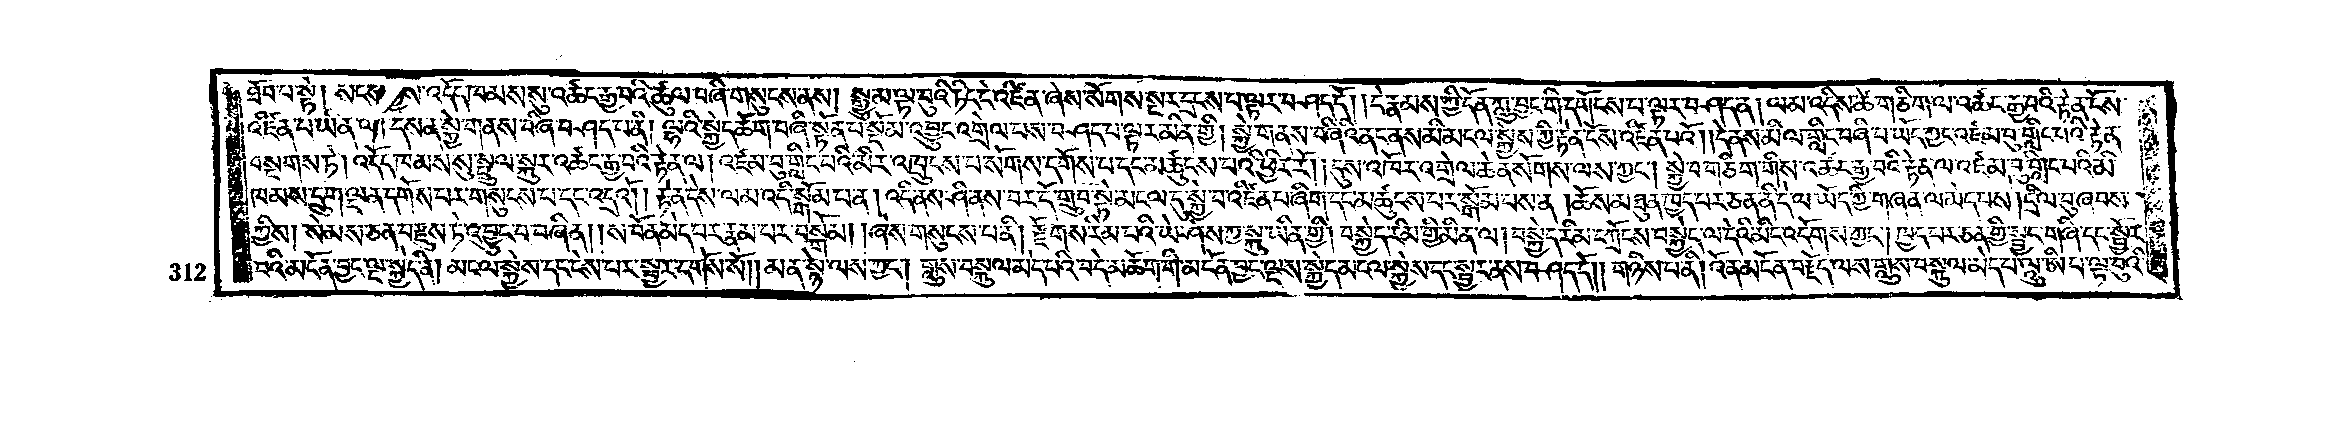ཐོབ་པ་སྟེ། སངས་རྒྱས་འདོད་ཁམས་སུ་འཚང་རྒྱ་བའི་ཚུལ་བཞི་གསུངས་ནས། སྒྱུ་མ་ལྟ་བུའི་ཏིང་ངེ་འཛིན་ཞེས་སོགས་སྔར་དྲངས་པ་ལྟར་བཤད་དོ། །དེ་རྣམས་ཀྱི་དོན་ཀླུ་བྱང་གི་དགོངས་པ་ལྟར་བཤད་ན། ལམ་འདིས་ཚེ་གཅིག་ལ་མཚང་རྒྱ་བའི་རྟེན་ངོས་
འཛིན་པ་ཡིན་ལ། དེས་ན་སྐྱེ་གནས་བཞི་བཤད་པ་ནི། ལྷའི་སྐྱེད་ཆོག་བཞི་སྟོན་པ་སྡོམ་འབྱུང་འགྲེལ་པས་བཤད་པ་ལྟར་མིན་གྱི། སྐྱེ་གནས་བཞིའི་ནང་ནས་མི་མངལ་སྐྱེས་ཀྱི་རྟེན་ངོས་འཛིན་པའོ། །དེ་ནས་མིལ་གླིང་བཞི་པ་ཡོད་ཀྱང་འཛམ་བུ་གླིང་པའི་རྟེན་
བསྔགས་ཏེ། འདོད་ཁམས་སུ་སྤྲུལ་སྐུར་འཚང་རྒྱ་བའི་རྟེན་ལ། འཛམ་བུ་གླིང་པའི་མིར་འཁྲུངས་པ་སོགས་དགོས་པ་དང་མཚུངས་པའི་ཕྱིར་རོ། །དུས་འཁོར་འགྲེལ་ཆེན་སོགས་ལས་ཀྱང་། སྐྱེ་བ་གཅིག་གིས་འཚང་རྒྱ་བའི་རྟེན་ལ་འཛམ་བུ་གླིང་པའི་མི་
ཁམས་དྲུག་ལྡན་དགོས་པར་གསུངས་པ་དང་འདྲའོ། །རྟེན་དེས་ལམ་འདི་སྒོམ་པ་ན། འདི་ནས་ཤི་ནས་བར་དོ་གྲུབ་སྟེ་མངལ་དུ་སྐྱེ་བ་འཛིན་པ་ཞིག་དང་མཚུངས་པར་སྒོམ་པས་ན། ཆོས་མཐུན་ཁྱད་པར་ཅན་ནི་དེ་ལ་ཡོད་ཀྱི་གཞན་ལ་མེད་པས། དྲིལ་བུ་ཞབས་
ཀྱིས། སེམས་ཅན་བརྫུས་ཏེ་འབྱུང་བ་བཞིན། །ས་བོན་མེད་པར་རྣམ་པར་བསྒོམ། །ཞེས་གསུངས་པ་ནི། རྫོགས་རིམ་པའི་ཡེ་ཤེས་ཀྱི་སྐུ་ཡིན་གྱི། བསྐྱེད་རིམ་གྱི་མིན་ལ། བསྐྱེད་རིམ་དཀྲོངས་བསྐྱེད་ལ་དེའི་མིང་འདོགས་ཀྱང་། ཁྱད་པར་ཅན་གྱི་སྦྱང་གཞི་དང་སྦྱོར་
བའི་མངོན་བྱང་ལྔ་སྐྱེད་ནི། །མངལ་སྐྱེས་དང་ངེས་པར་སྦྱར་དགོས་སོ། །མན་སྙེ་ལས་ཀྱང་། གླུས་བསྐུལ་མེད་པའི་བདེ་མཆོག་གི་མངོན་བྱང་ལྔས་སྐྱེད་མངལ་སྐྱེས་དང་སྦྱར་ནས་བཤད་དོ། །གཉིས་པ་ནི། འོ་ན་མངོན་བརྗོད་ལས་གླུས་བསྐུལ་མེད་པ་ལཱུ་ཨི་པ་ལྟ་བུའི་